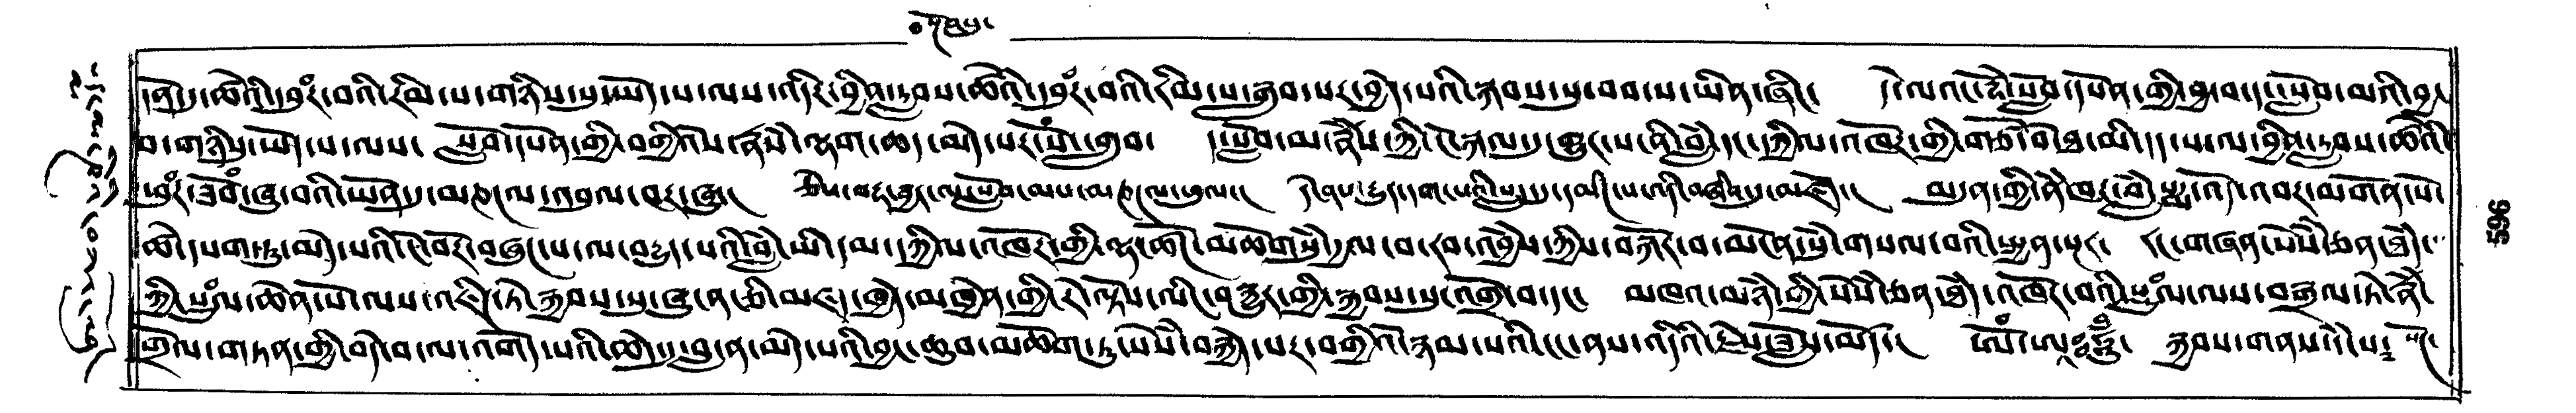དོན་དུ་ཚེ་ཡི་དབང་བསྐུར་བའི་རིམ་པ་གཉིས་སུ་ཡོད་པ་ལས་འདིར་བྱིན་རླབས་ཚེའི་དབང་བསྐུར་བའི་རིམ་པ་སྒྲུབ་པར་བྱེད་པའི་སྐབས་སུ་བབ་པ་ཡིན་ཞིང་།དེ་ལའང་རྡོ་རྗེ་སློབ་དཔོན་གྱི་བྱ་བ་དང་སློབ་མའི་བྱ་
བ་གཉིས་སུ་ཡོད་པ་ལས། སློབ་དཔོན་གྱི་བགྱིའོས་རྣམས་ལྷག་ཆད་མེད་པར་སྔོན་དུ་སོང་གྲུབ། ད་སློབ་མ་རྣམས་ཀྱི་ངོ་སྐལ་དུ་གྱུར་པ་ནི་བླ་མ་དང་དཀྱིལ་འཁོར་གྱི་གཙོ་བོ་ཐ་མི་དད་པ་ལ་བྱིན་རླབས་ཚེ་ཡི་དབང་
བསྐུར་ཟབ་མོ་ཞུ་བའི་ཡོན་དུ་མཎྜལ་འབུལ་བར་ཞུ ཞེས་བརྡ་སྦྱར་ལ་སློབ་མས་མཎྜལ་འདུལ། དེ་ནས་རྒྱུད་དག་པའི་སླད་དུ་དམིགས་པ་འདི་བཞིན་དུ་མཛོད། མདུན་གྱི་ནམ་མཁར་བླ་མ་པདྨ་འོད་འབར་མགོན་པོ་
ཚེ་དཔག་ཏུ་མེད་པའི་ངོ་བོར་བཞུགས་པ་ལ་བརྒྱུད་པའི་བླ་མ་ཡི་དམ་དཀྱིལ་འཁོར་གྱི་ལྷ་ཚོགས་མཆོག་གསུམ་རྒྱལ་བ་རབ་འབྱམས་ཀྱིས་བསྐོར་བ་མངོན་སུམ་གསལ་བའི་སྤྱན་སྔར། རང་གཞན་སེམས་ཅན་ཐམས་ཅད་
ཀྱི་སྡུག་བསྔལ་ཆེན་པོ་ལས་འཇིགས་ཏེ་སྐྱབས་སུ་ཞུ་ན་ཅི་མཛད་ཁྱེད་མཁྱེན་གྱི་རེ་ལྟོས་ལིང་བསྒྱུར་གྱི་སྐྱབས་སུ་འགྲོ་བ་དང་། མཁའ་མཉམ་གྱི་སེམས་ཅན་ཐམས་ཅད་འཁོར་བའི་སྡུག་བསྔལ་ལས་བསྒྲལ་ཏེ་རྣམ་
གྲོལ་གཏན་གྱི་བདེ་བ་ལ་འགོད་པའི་ཆེད་དུ་བླ་ན་མེད་པའི་བྱང་ཆུབ་མཆོག་ཏུ་སེམས་བསྐྱེད་པར་བགྱིའོ་སྙམ་པའི་ངང་ནས་འདིའི་རྗེས་ཟློས་མཛོད། ཨོཾ་ཨཱཿཧཱུྃ༔ སྐྱབས་གནས་དམ་པ༴ སོགས་